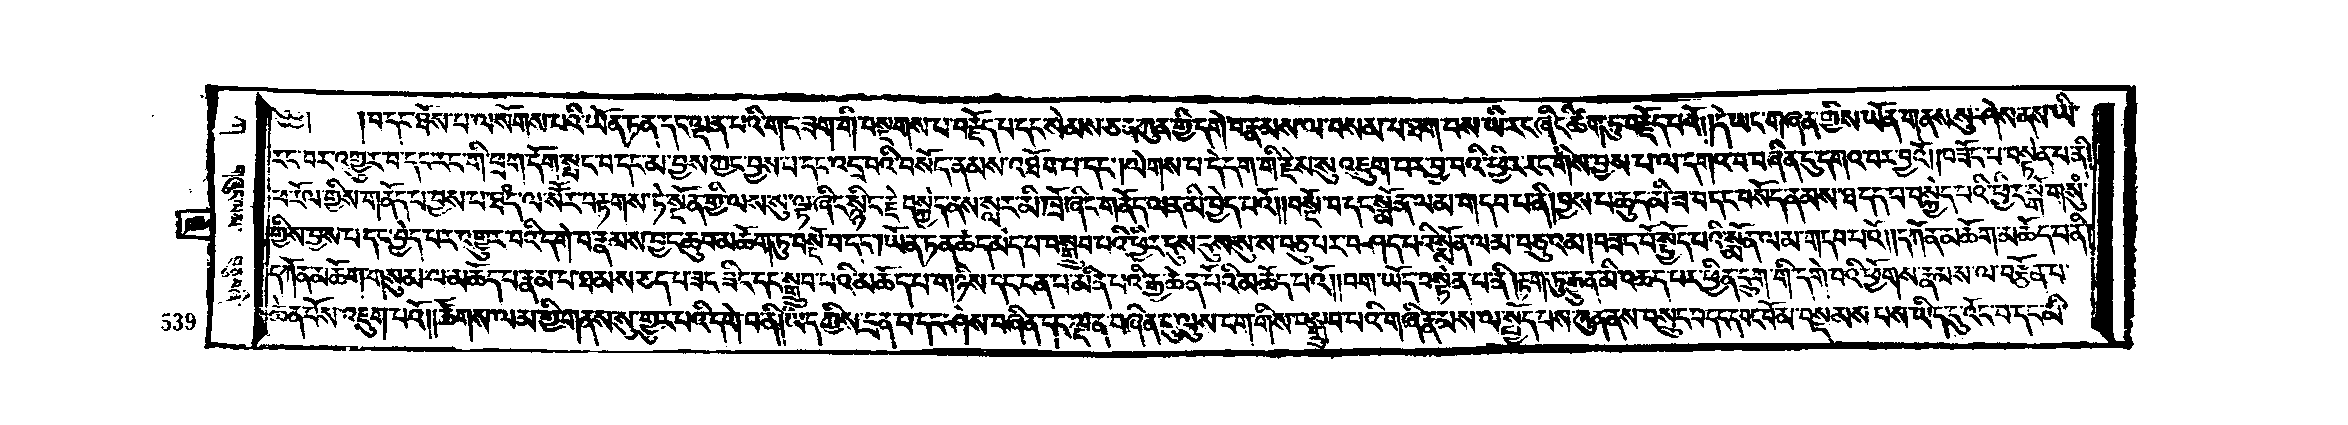༄༅། །བ་དང་ཐོས་པ་ལ་སོགས་པའི་ཡོན་ཏན་དང་ལྡན་པའི་གང་ཟག་གི་བསྔགས་པ་བརྗོད་པ་དང་སེམས་ཅན་ཀུན་གྱི་དགེ་བ་རྣམས་ལ་བསམ་པ་ཐག་པས་ཡི་རང་ཞིང་ཚིག་ཏུ་བརྗོད་པའོ། །དེ་ཡང་གཞན་གྱིས་ཡོན་གནས་སུ་ཤེས་ནས་ཡི་
རང་བར་འགྱུར་བ་དང་རང་གི་ཕྲག་དོག་སྤང་བ་དང་མ་བྱས་ཀྱང་བྱས་པ་དང་འདྲ་བའི་བསོད་ནམས་འཐོབ་པ་དང་། ལེགས་པ་དེ་དག་གི་རྗེས་སུ་འཇུག་པར་བྱ་བའི་ཕྱིར་རང་གིས་བྱས་པ་ལ་དགའ་བ་བཞིན་དུ་དགའ་བར་བྱའོ། །བཟོད་པ་བསྟེན་པ་ནི།
ཕ་རོལ་གྱིས་གནོད་པ་བྱས་པ་ཐམས་ཅད་ལ་སོ་སོར་བརྟགས་ཏེ་སྔོན་གྱི་ལས་སུ་ལྟ་ཞིང་སྙིང་རྗེ་བསྐྱེད་ནས་སླར་མི་ཁྲོ་ཞིང་གནོད་ལན་མི་བྱེད་པའོ། །བསྔོ་བ་དང་སྨོན་ལམ་གདབ་པ་ནི། བྱས་པ་ཆུད་མི་ཟ་བ་དང་བསོད་ནམས་ཐ་དད་པ་བསྐྱེད་པའི་ཕྱིར་སྒོ་གསུམ་
གྱིས་བྱས་པ་དང་བྱེད་པར་འགྱུར་བའི་དགེ་བ་རྣམས་བྱང་ཆུབ་མཆོག་ཏུ་བསྔོ་བ་དང་། ཡོན་ཏན་ཚད་མེད་པ་བསྒྲུབ་པའི་ཕྱིར་དུས་དུས་སུ་ས་བཅུ་པར་བཤད་པའི་སྨོན་ལམ་བཅུ་འམ། བཟང་པོ་སྤྱོད་པའི་སྨོན་ལམ་གདབ་པའོ། །དཀོན་མཆོག་མཆོད་པ་ནི།
དཀོན་མཆོག་གསུམ་ལ་མཆོད་པ་རྣམ་པ་ཐམས་ཅད་པ་ཟང་ཟིང་དང་སྒྲུབ་པའི་མཆོད་པ་གཉིས་དང་ངན་པ་མིན་པའི་རྒྱ་ཆེན་པོའི་མཆོད་པའོ། །བག་ཡོད་བསྟེན་པ་ནི། རྟག་ཏུ་རྒྱུན་མི་འཆད་པར་ཕྱིན་དྲུག་གི་དགེ་བའི་ཕྱོགས་རྣམས་ལ་བརྩོན་པ་
ཆེན་པོས་འཇུག་པའོ། །ཚོགས་ལམ་གྱི་གནས་སུ་གྱུར་པའི་དགེ་བ་ནི། ཡིད་ཀྱིས་དྲན་པ་དང་ཤེས་བཞིན་དང་ལྡན་བཞིན་དུ་ལུས་ངག་གིས་བསྒྲུབ་པའི་གཞི་རྣམས་ལ་སྤྱོད་པས་ཀུན་ནས་བསྲུང་བ་དང་དབང་པོ་མ་བསྡམས་པས་ཡིད་དུ་འོང་བ་དང་མི་